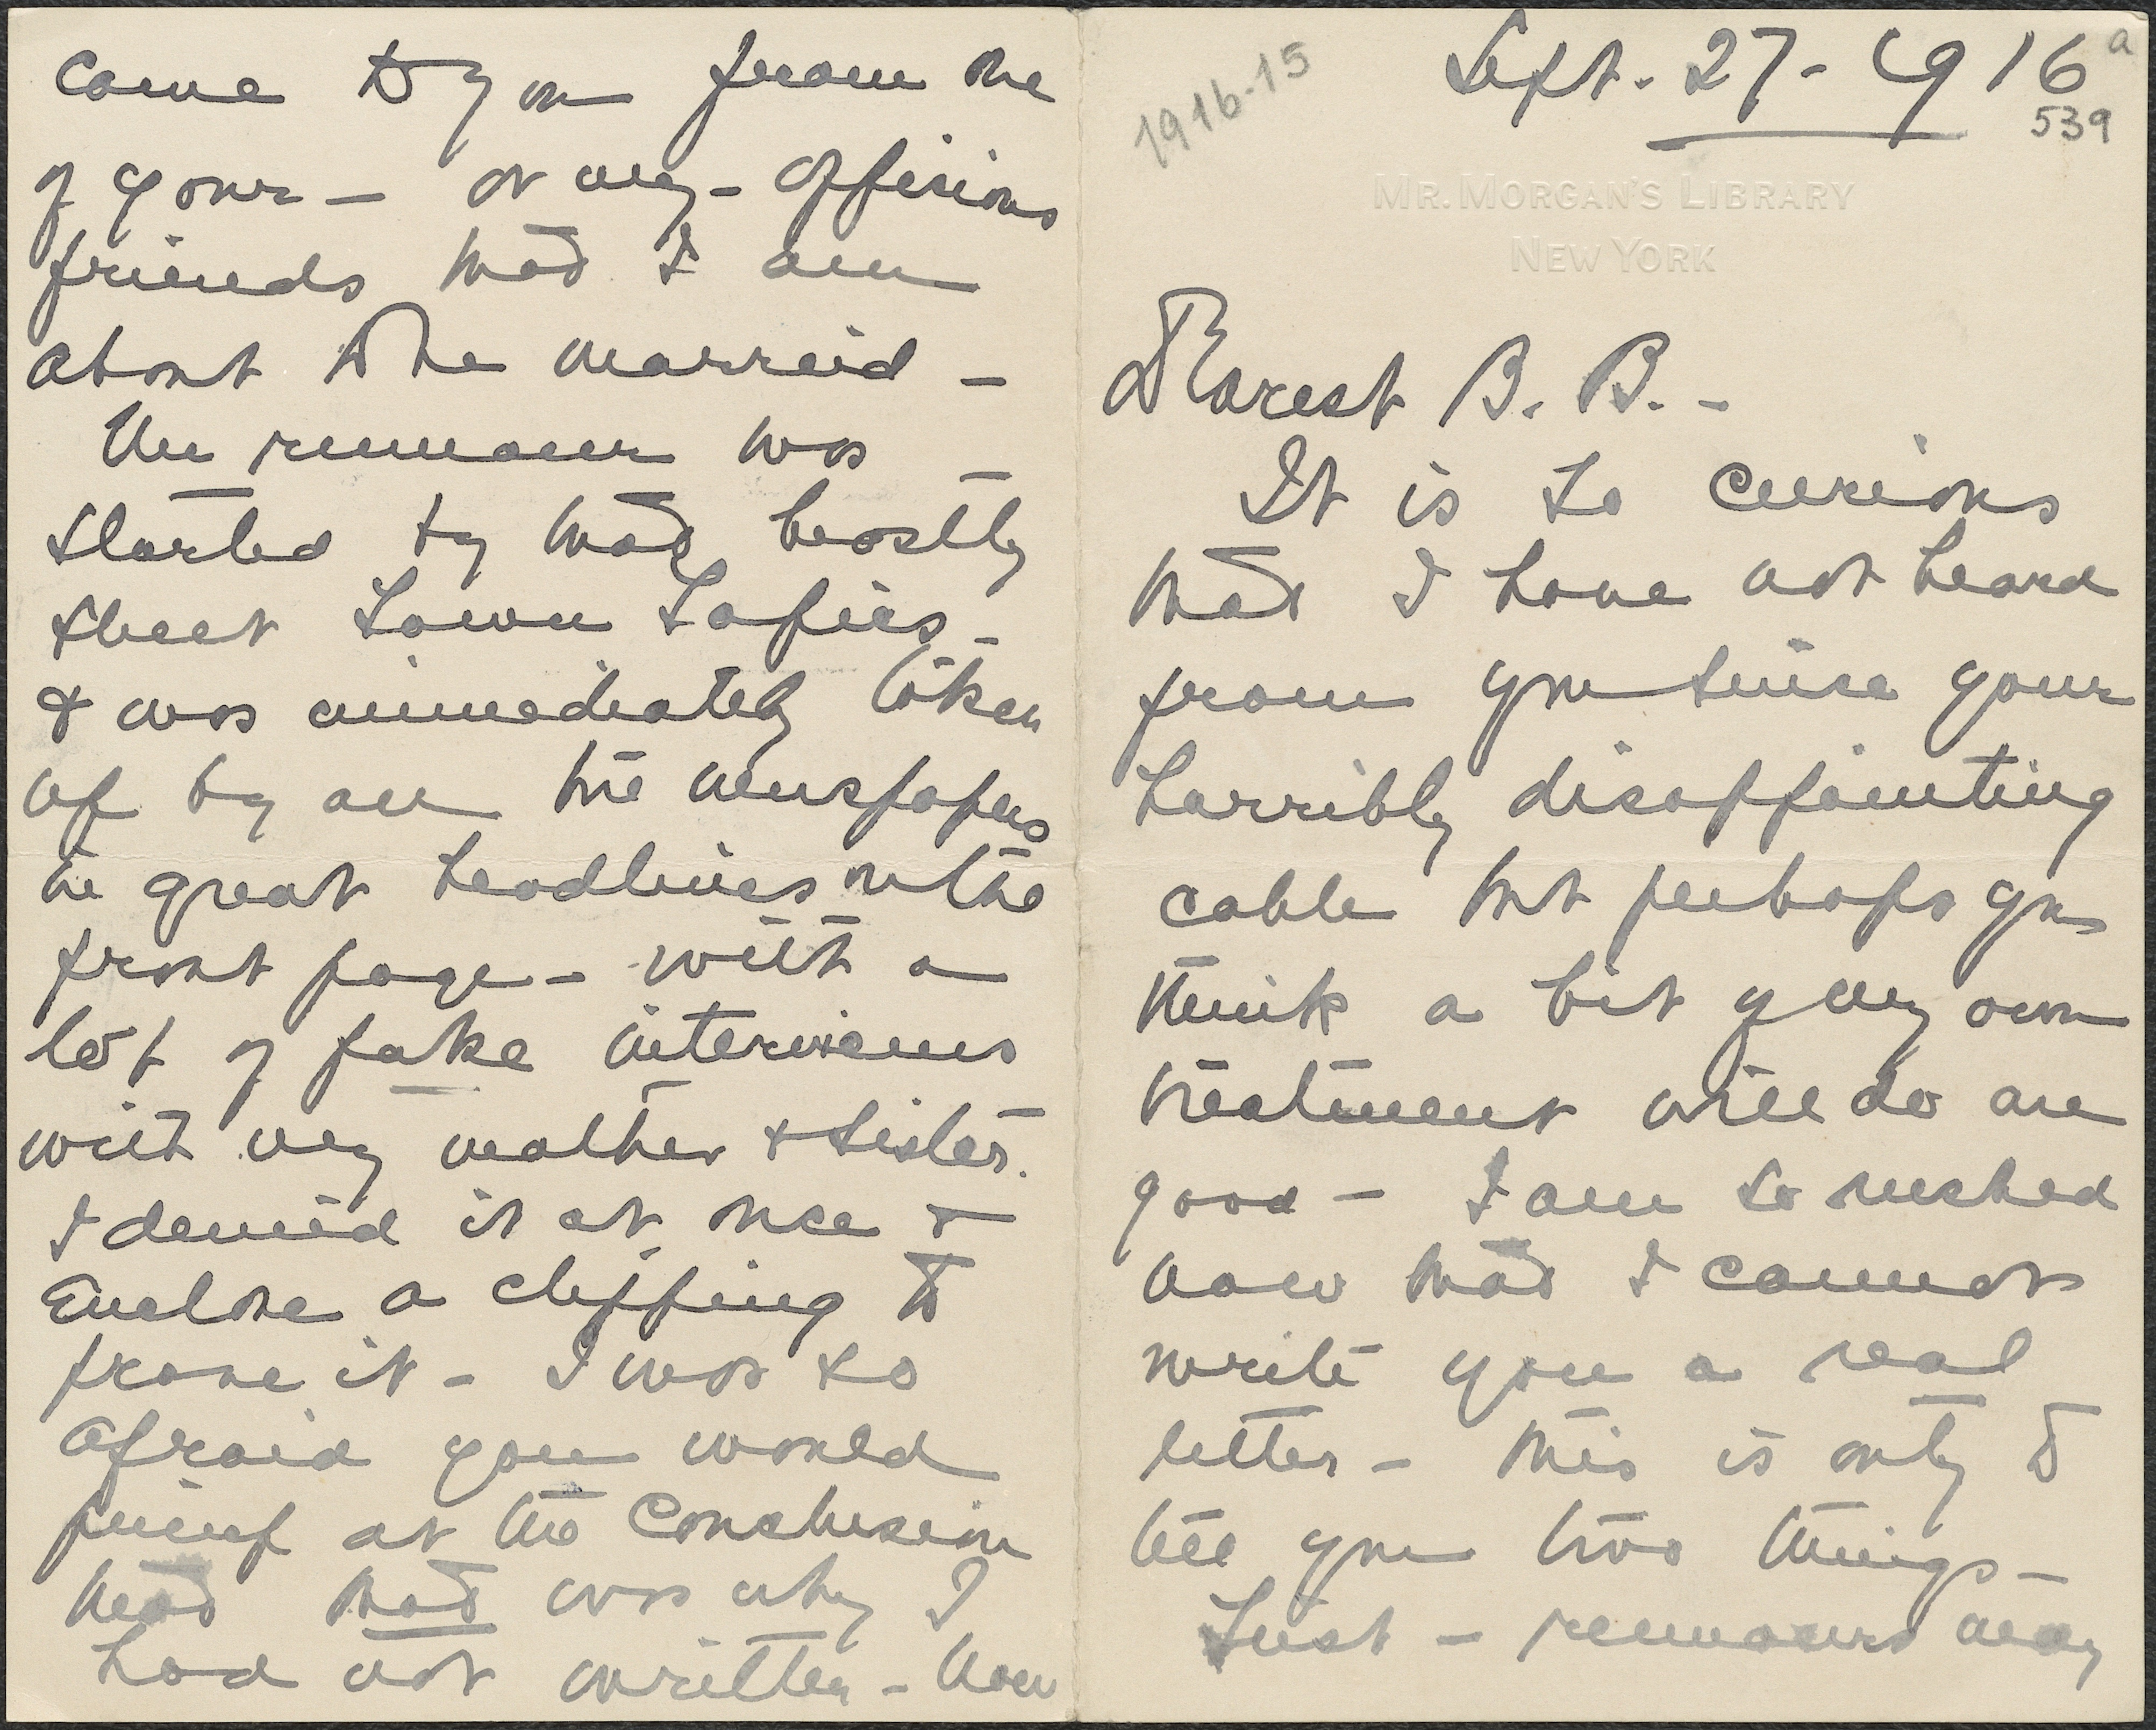Sept. 27 – 1916
Dearest B. B. –
It is so curious that I have not heard from you since your horribly disappointing cable but perhaps you think a bit of my own treatment will do me good – I am so rushed now that I cannot write you a real letter – this is only to tell you two things –
First – rumours may
come to you from one of your – or my – officious friends that I am about to be married – the rumour was started by that beastly sheet Town Topics – & was immediately taken up by all the newspapers in great headlines on the front page – with a lot of fake interviews with my mother & sister. I denied it at once & enclose a clipping to prove it – I was so afraid you would jump at the conclusion that that was why I had not written – now